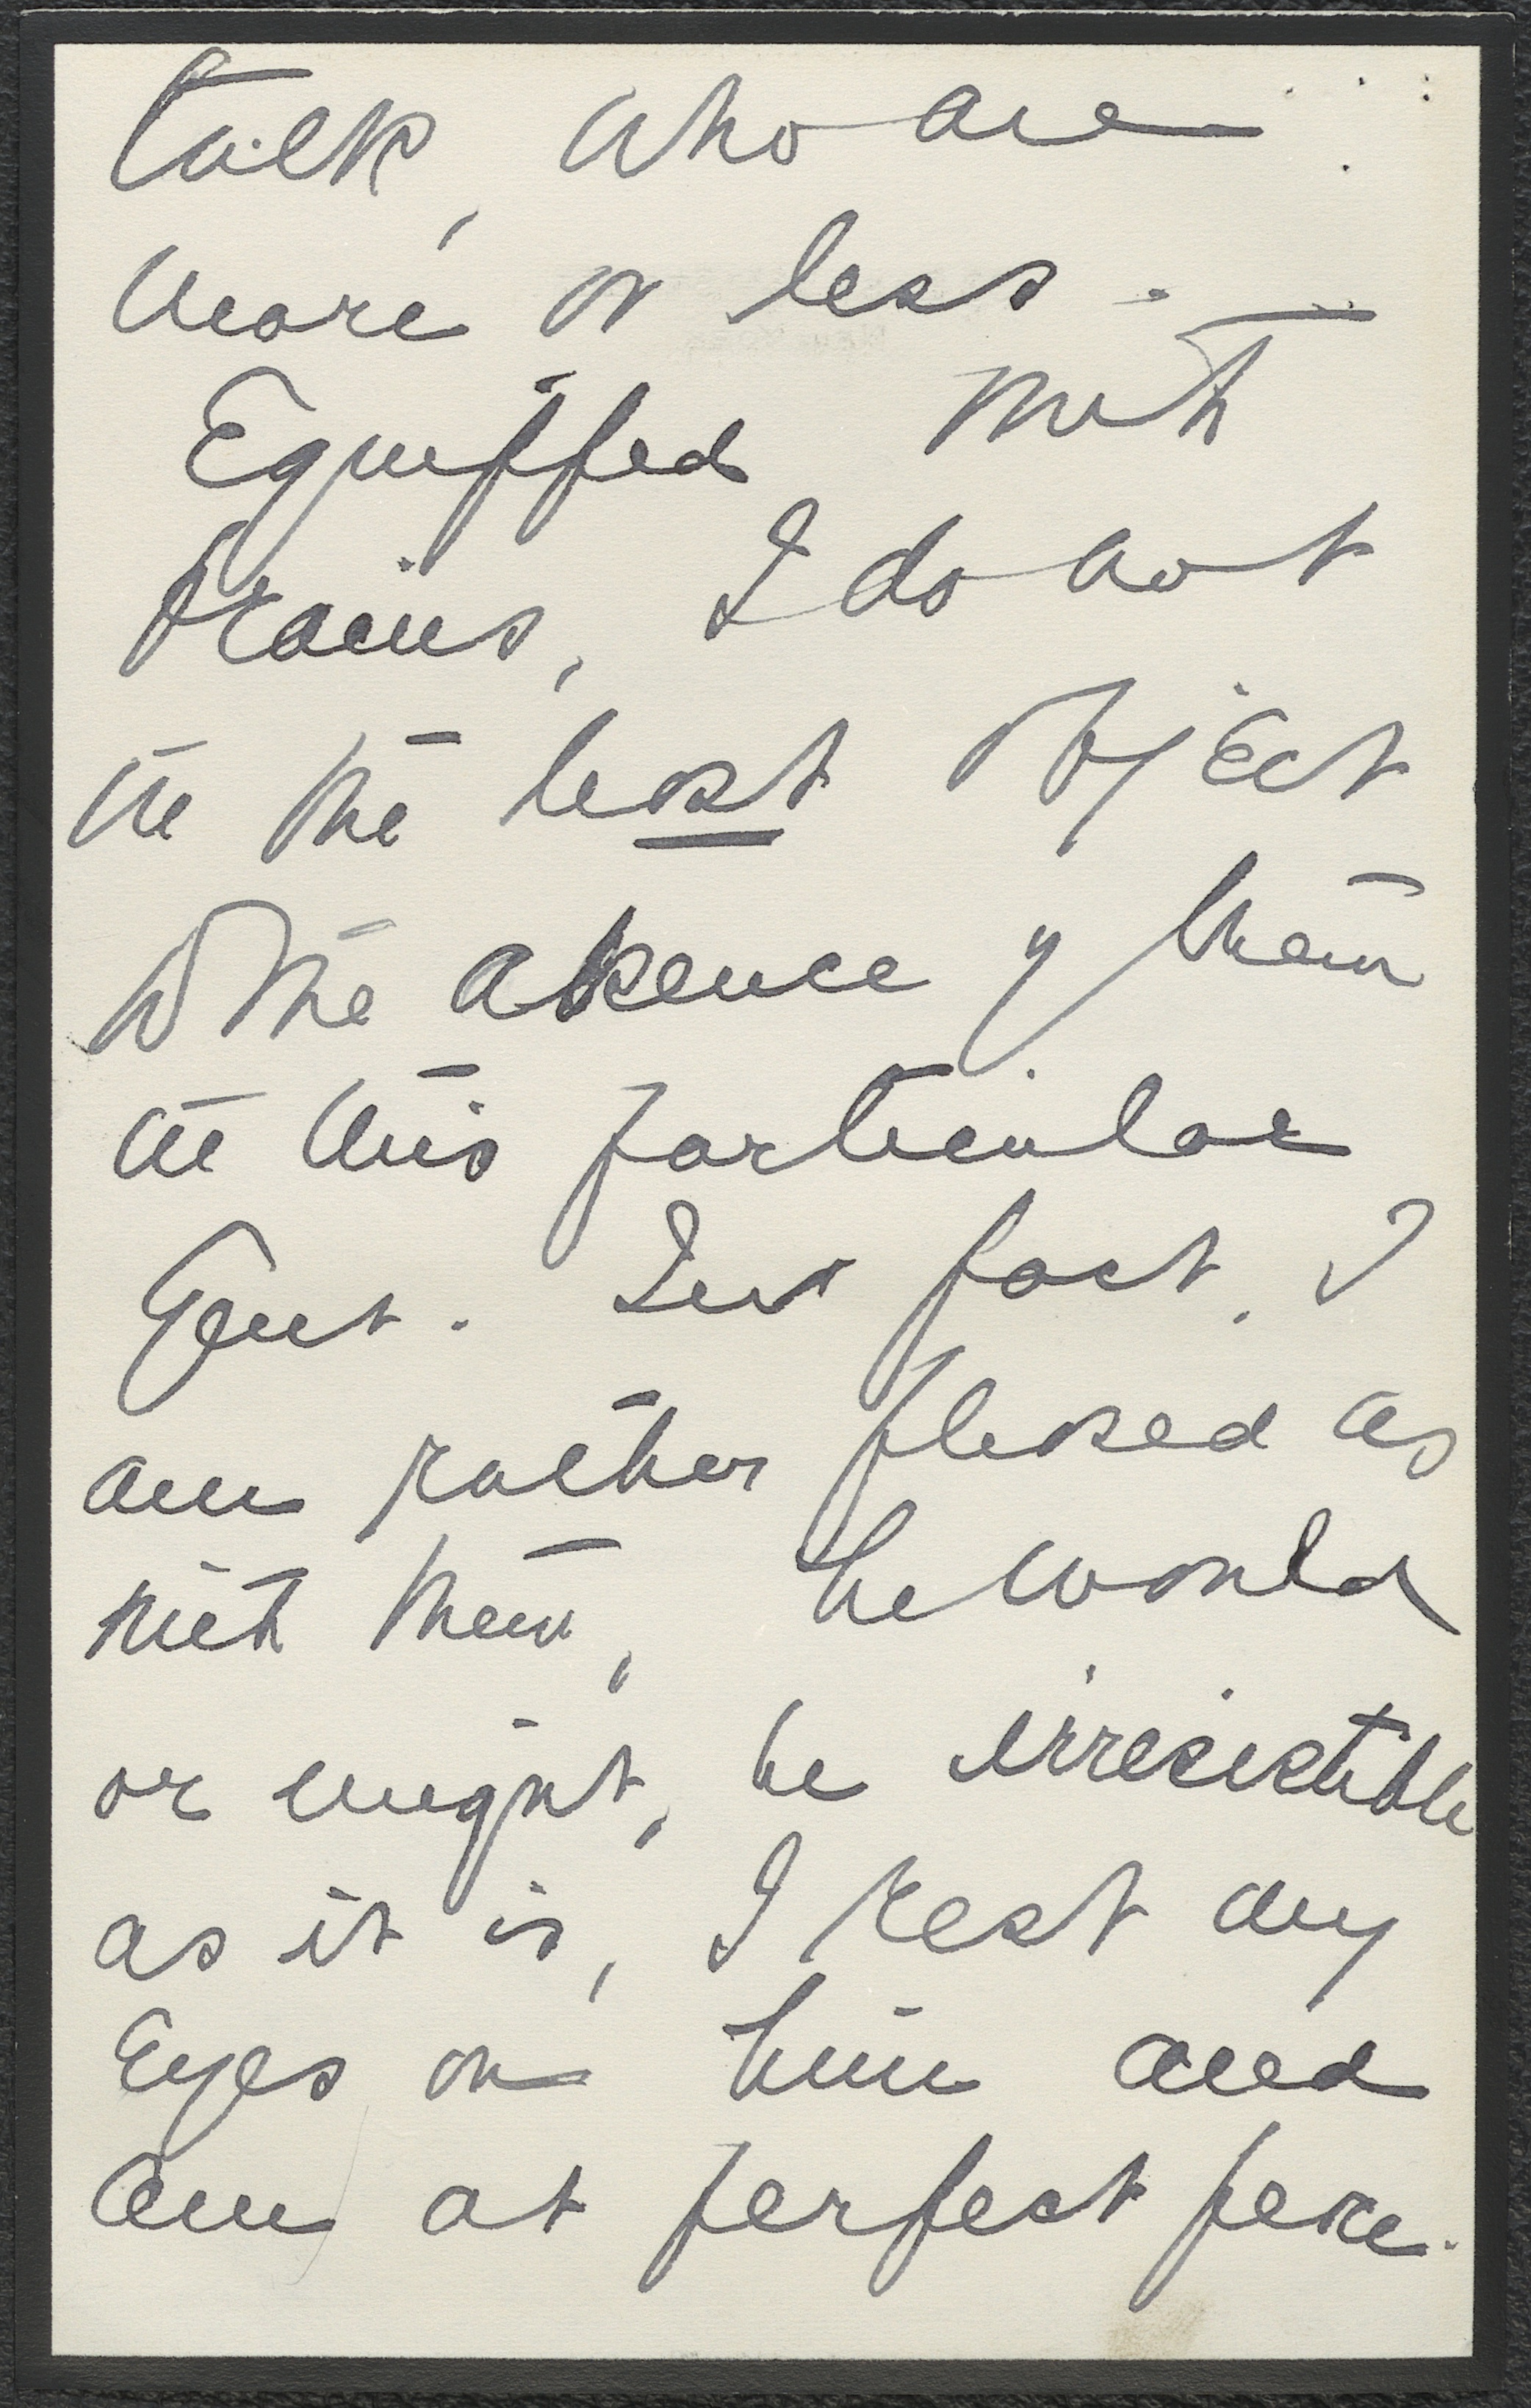talk, who are more or less equipped with brains, I do not in the least object to the absence of them in this particular gent. In fact, I am rather pleased as with them, he would or might, be irresistible as it is, I rest my eyes on him and am at perfect peace.